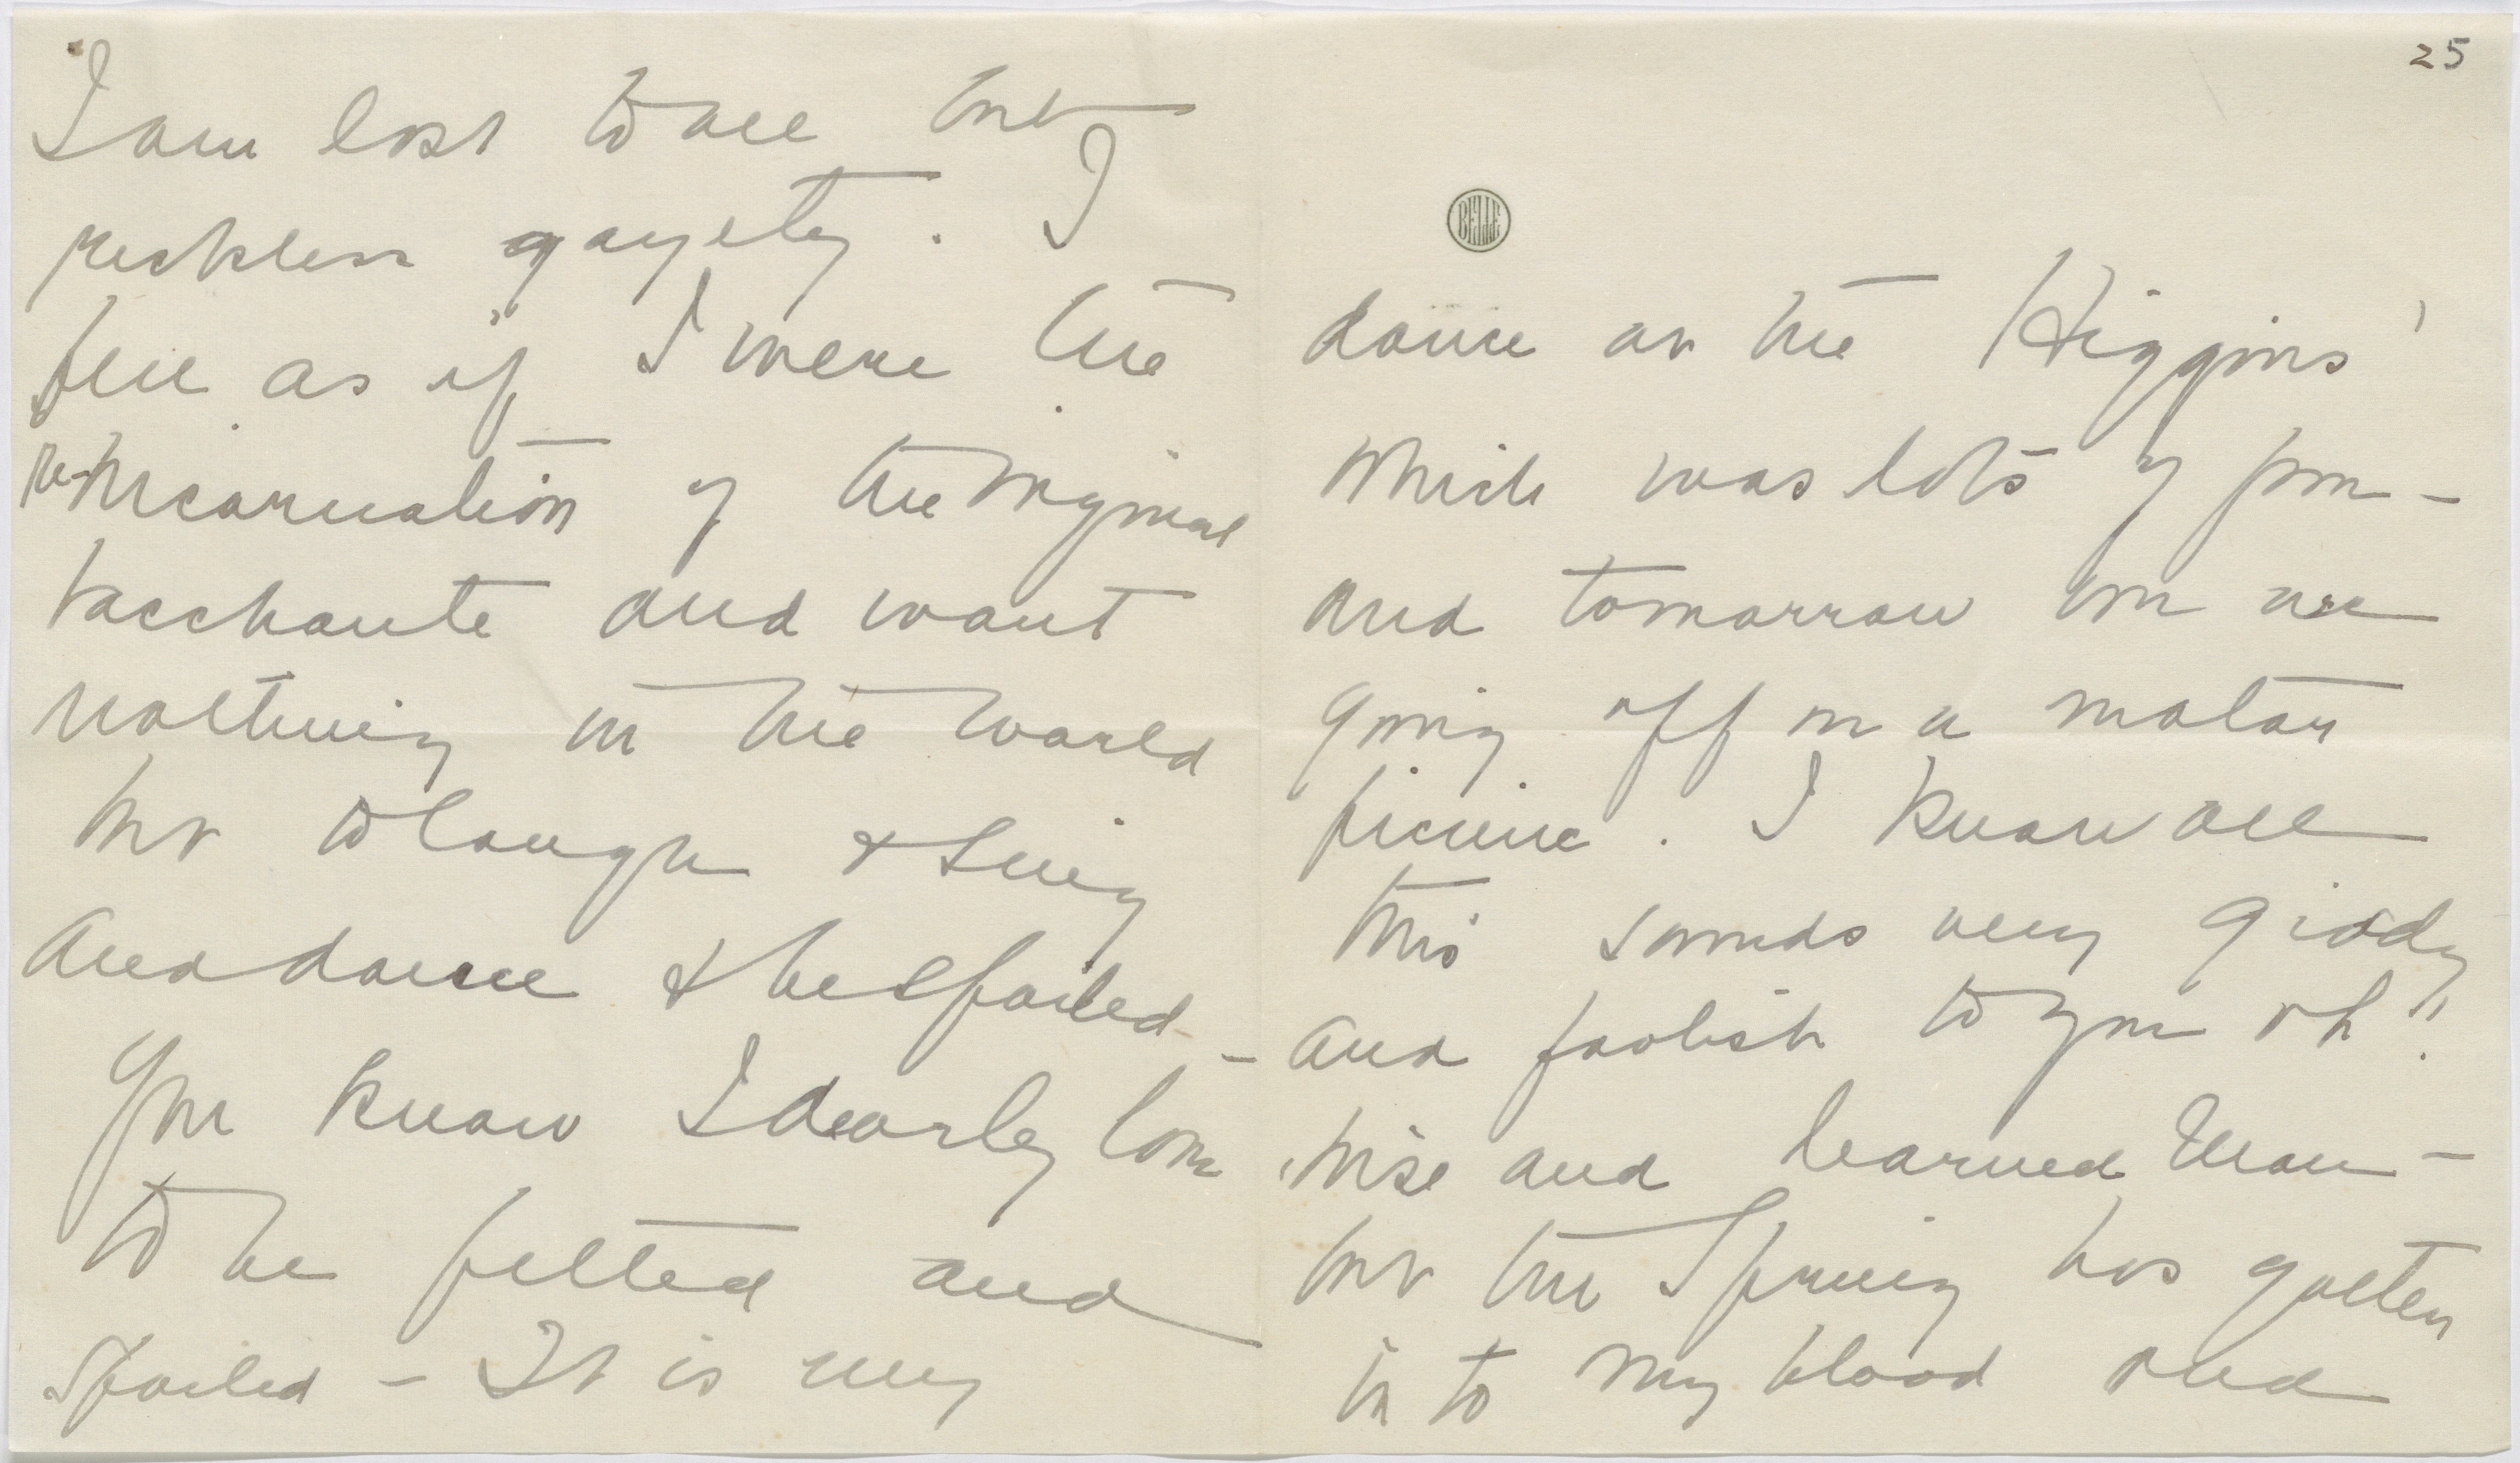dance at the Higgins’ which was lots of fun – and tomorrow we are going off on a motor picnic. I know all this sounds very giddy and foolish to you oh! wise and learned Man – but the Spring has gotten in to my blood and
I am lost to all but reckless gayety. I feel as if I were the re-incarnation of the original bacchante and want nothing in the world but to laugh & sing and dance & be spoiled – You know I dearly love to be petted and spoiled – It is my